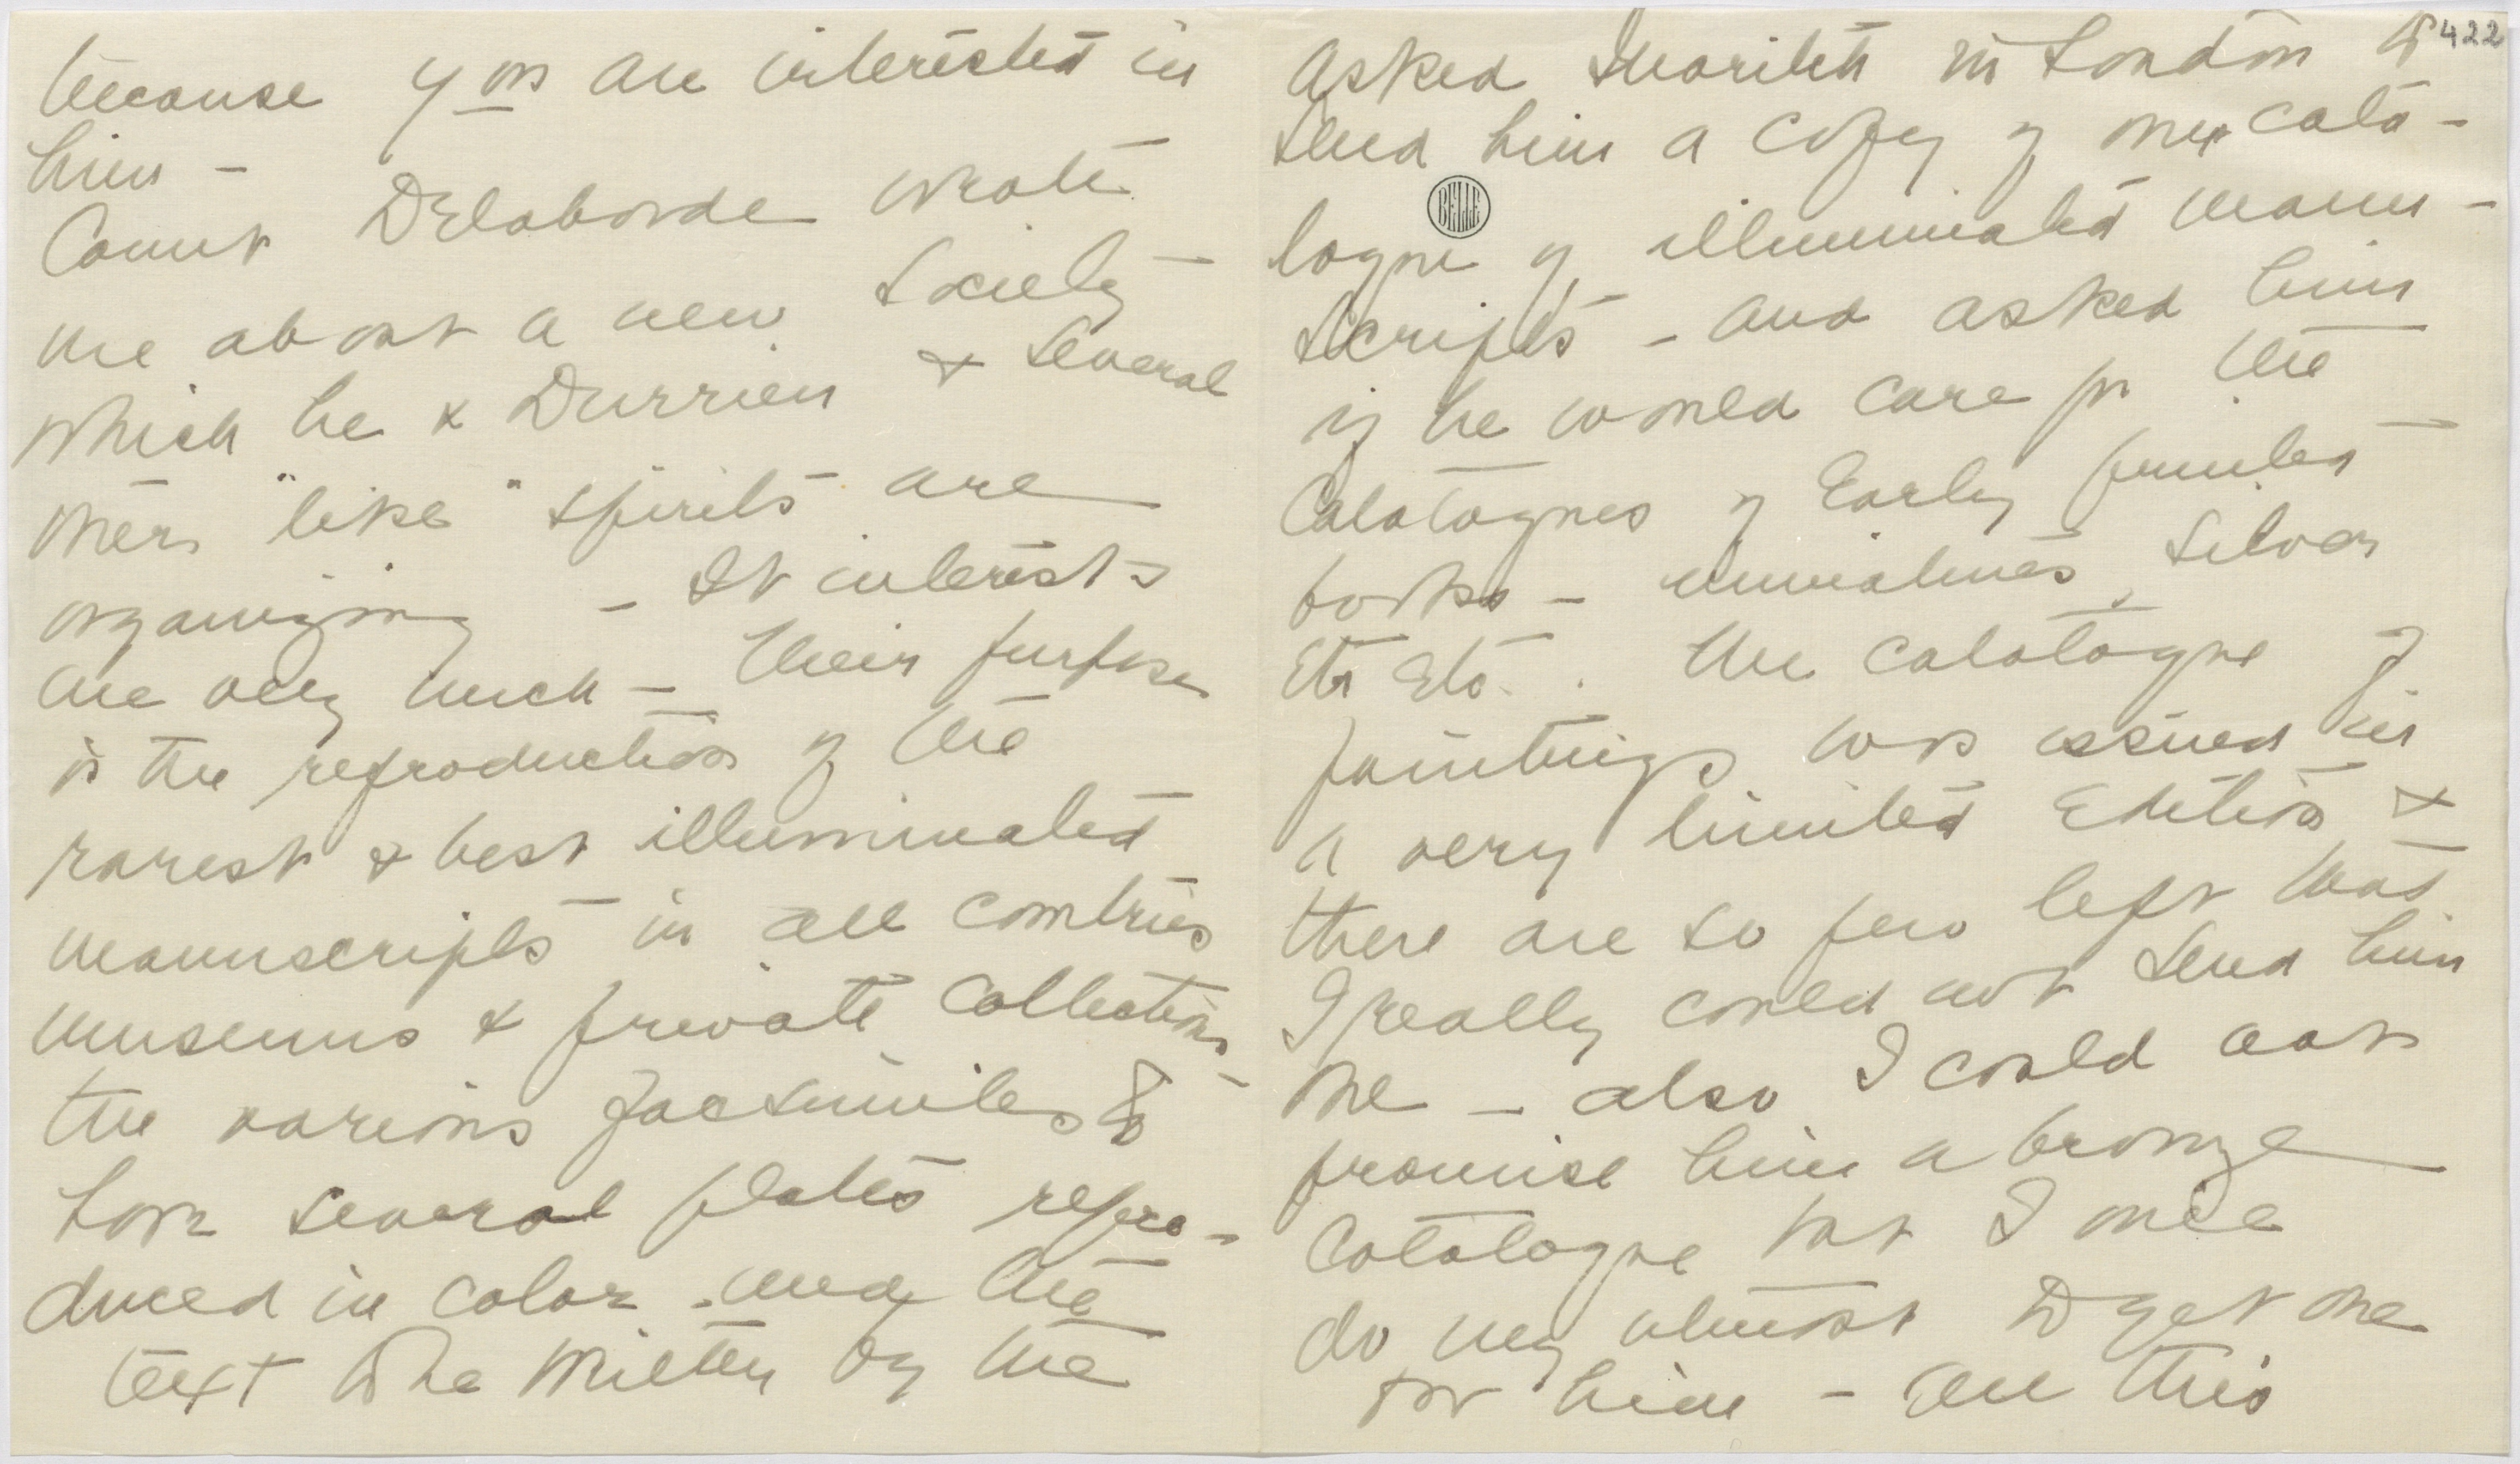asked Quaritch in London to send him a copy of our catalogue of illuminated manuscripts – and asked him if he would care for the Catalogues of Early printed books – miniatures, silver etc etc. The catalogue of paintings was issued in to very limited edition & there are so few left that I really could not send him one – also I could not promise him a bronze Catalogue but I will do my utmost to get one for him – All this
because you are interested in him –
Count Delaborde wrote me about a new society which he & Durrieu & several other “like” spirits are organizing – It interests me very much – Their purpose is the reproduction of the rarest & best illuminated manuscripts in all countries museums & private collections – the various facsimiles to have several plates reproduced in color – and the text to be written by the